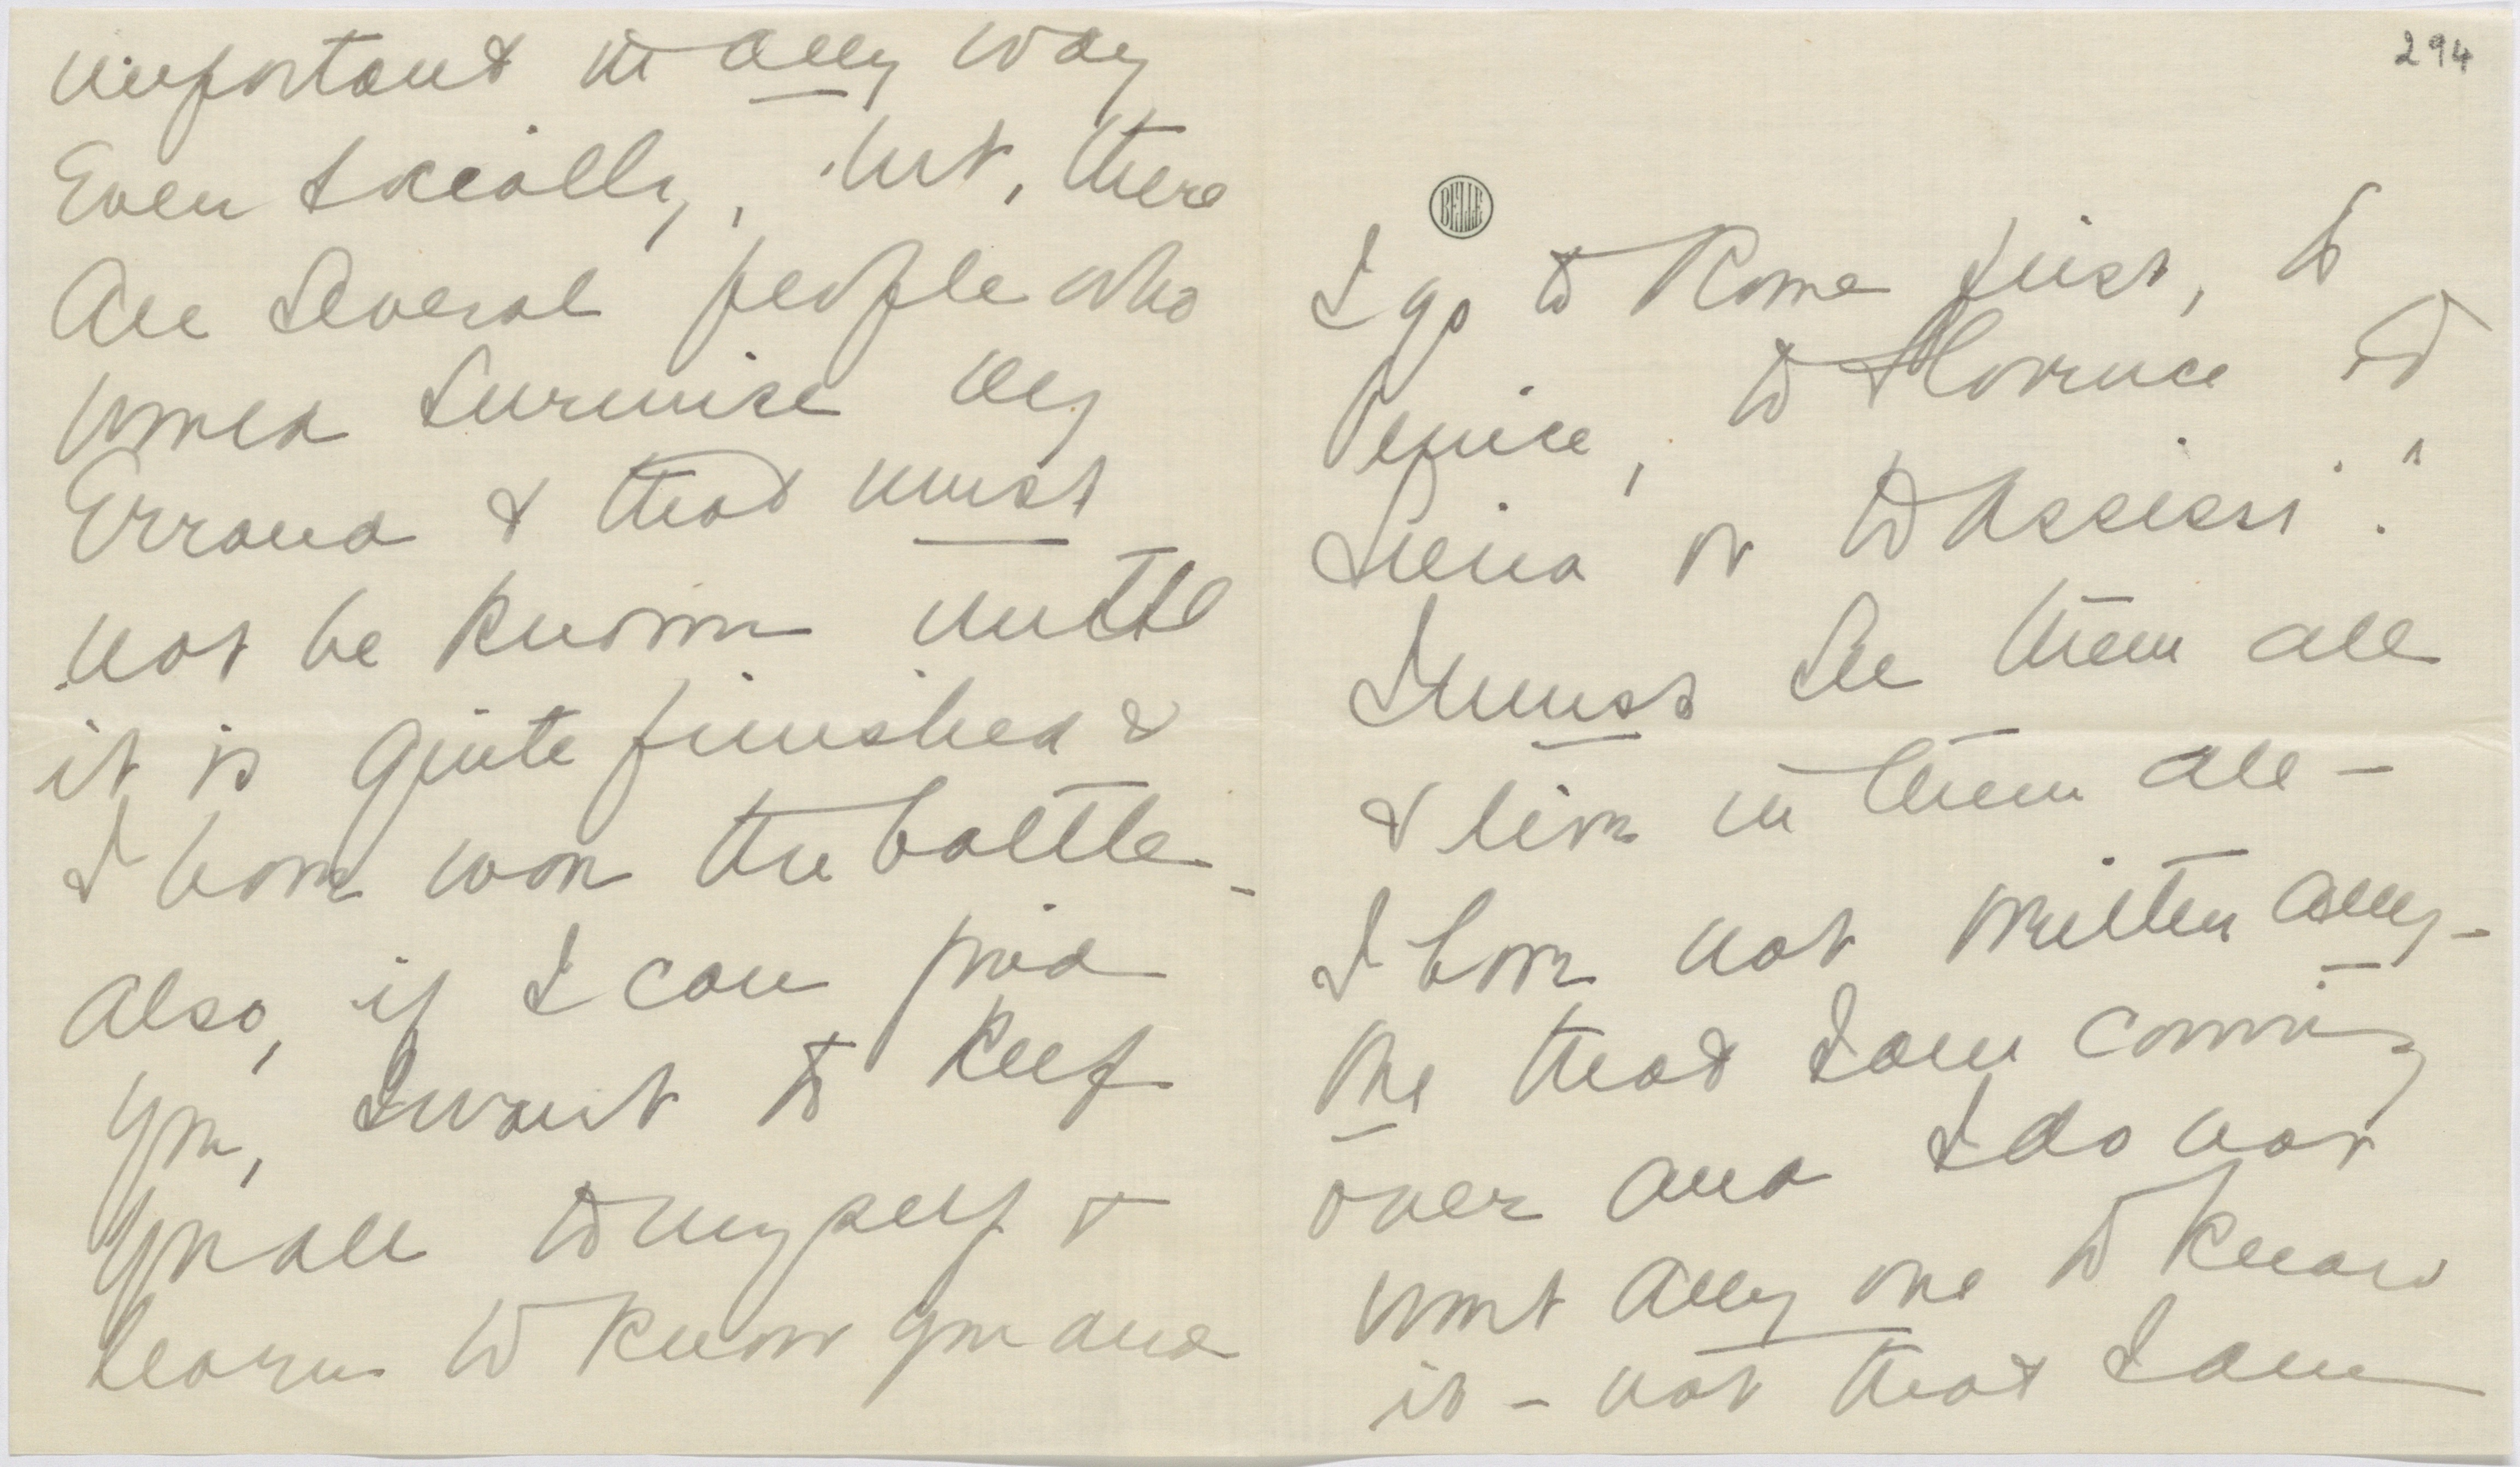I go to Rome first, to Venice, to Florence, to Siena or to Assisi? I must see them all & live in them all – I have not written anyone that I am coming over and I do not want any one to know it – not that I am
important in any way even socially, but, there are several people who would surmise my Errand & that must not be known until it is quite finished & I have won the battle – Also, if I can find you, I want to keep you all to myself & learn to know you and